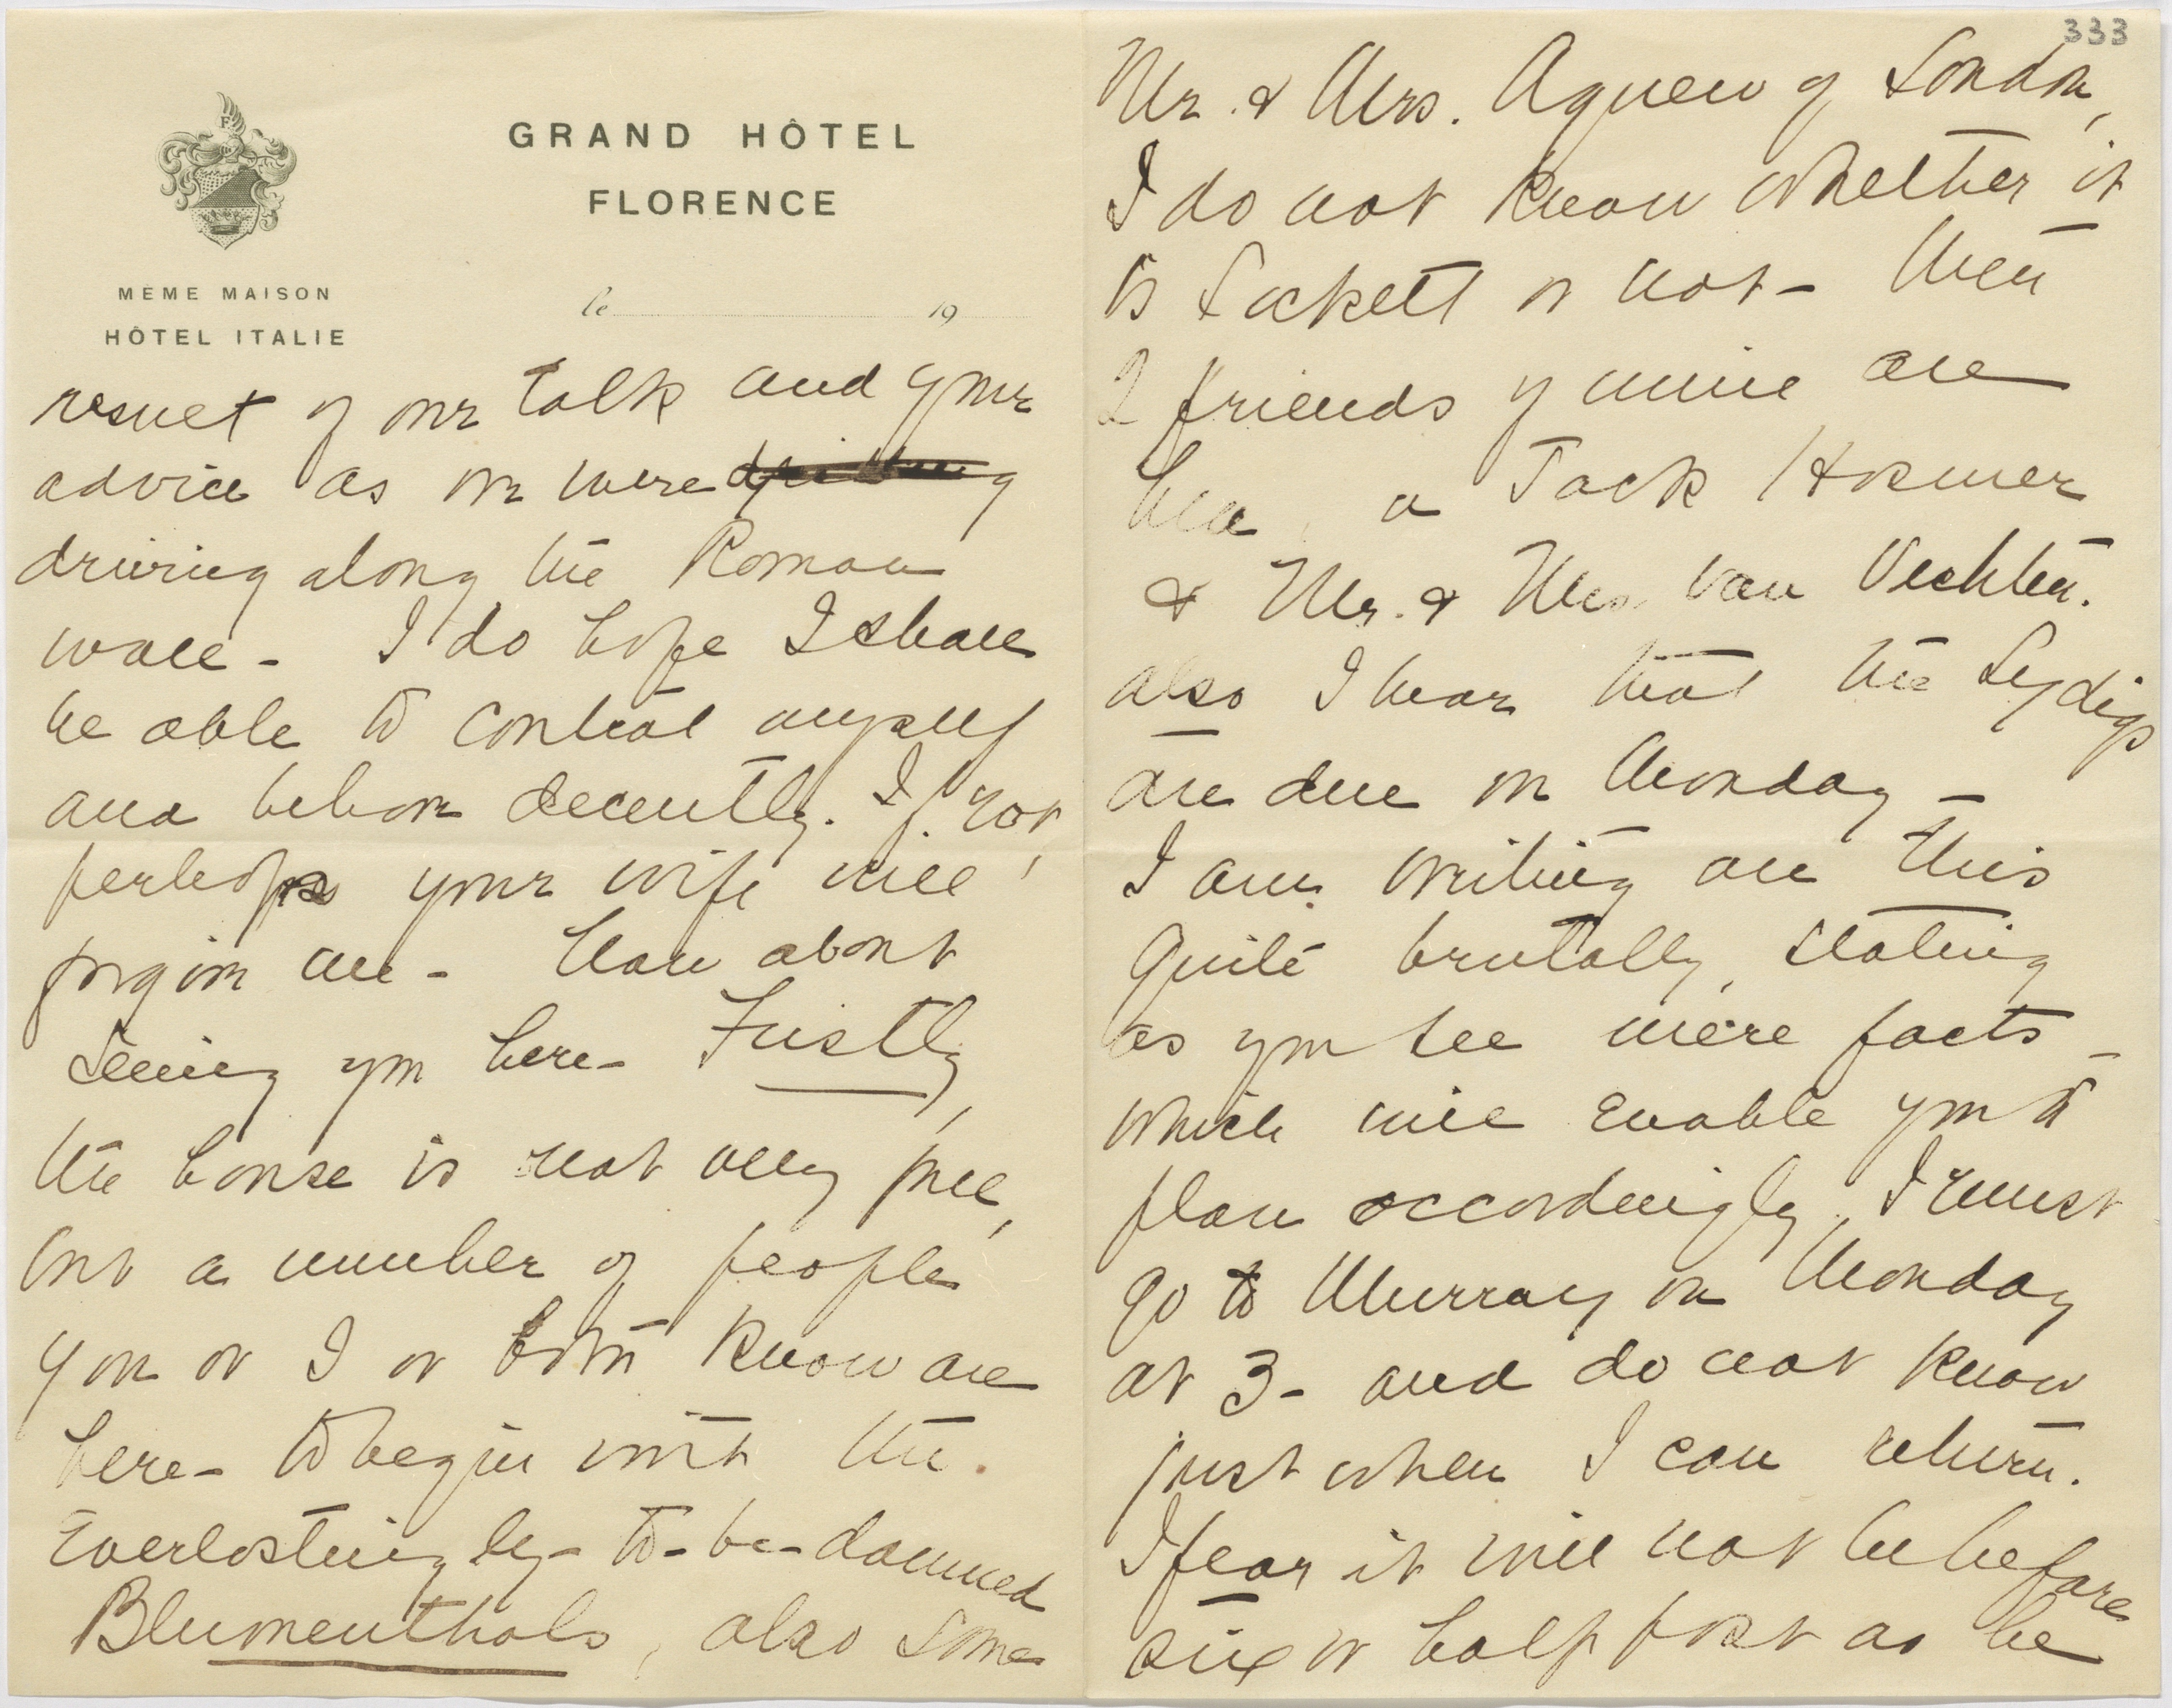result of our talk and your advice as we were drivving driving along the Roman wall – I do hope I shall be able to content myself and behave decently. If not, perhaps your wife will forgive me – Now about seeing you here – Firstly, the house is not very full, but a number of people you or I or both know are here – to begin with the everlastingly-to-be-damned Blumenthals, also some
Mr. & Mrs. Agnew of London, I do not know whether it is Lockett or not – then 2 friends of mine are here a Jack Hosmer & Mr. & Mrs. Van Vechten. also I hear that the Lydigs are due on Monday – I am writing all this quite brutally, stating as you see mere facts which will enable you to plan accordingly. I must go to Murray on Monday at 3 – and do not know just when I can return. I fear it will not be before six or half past as he